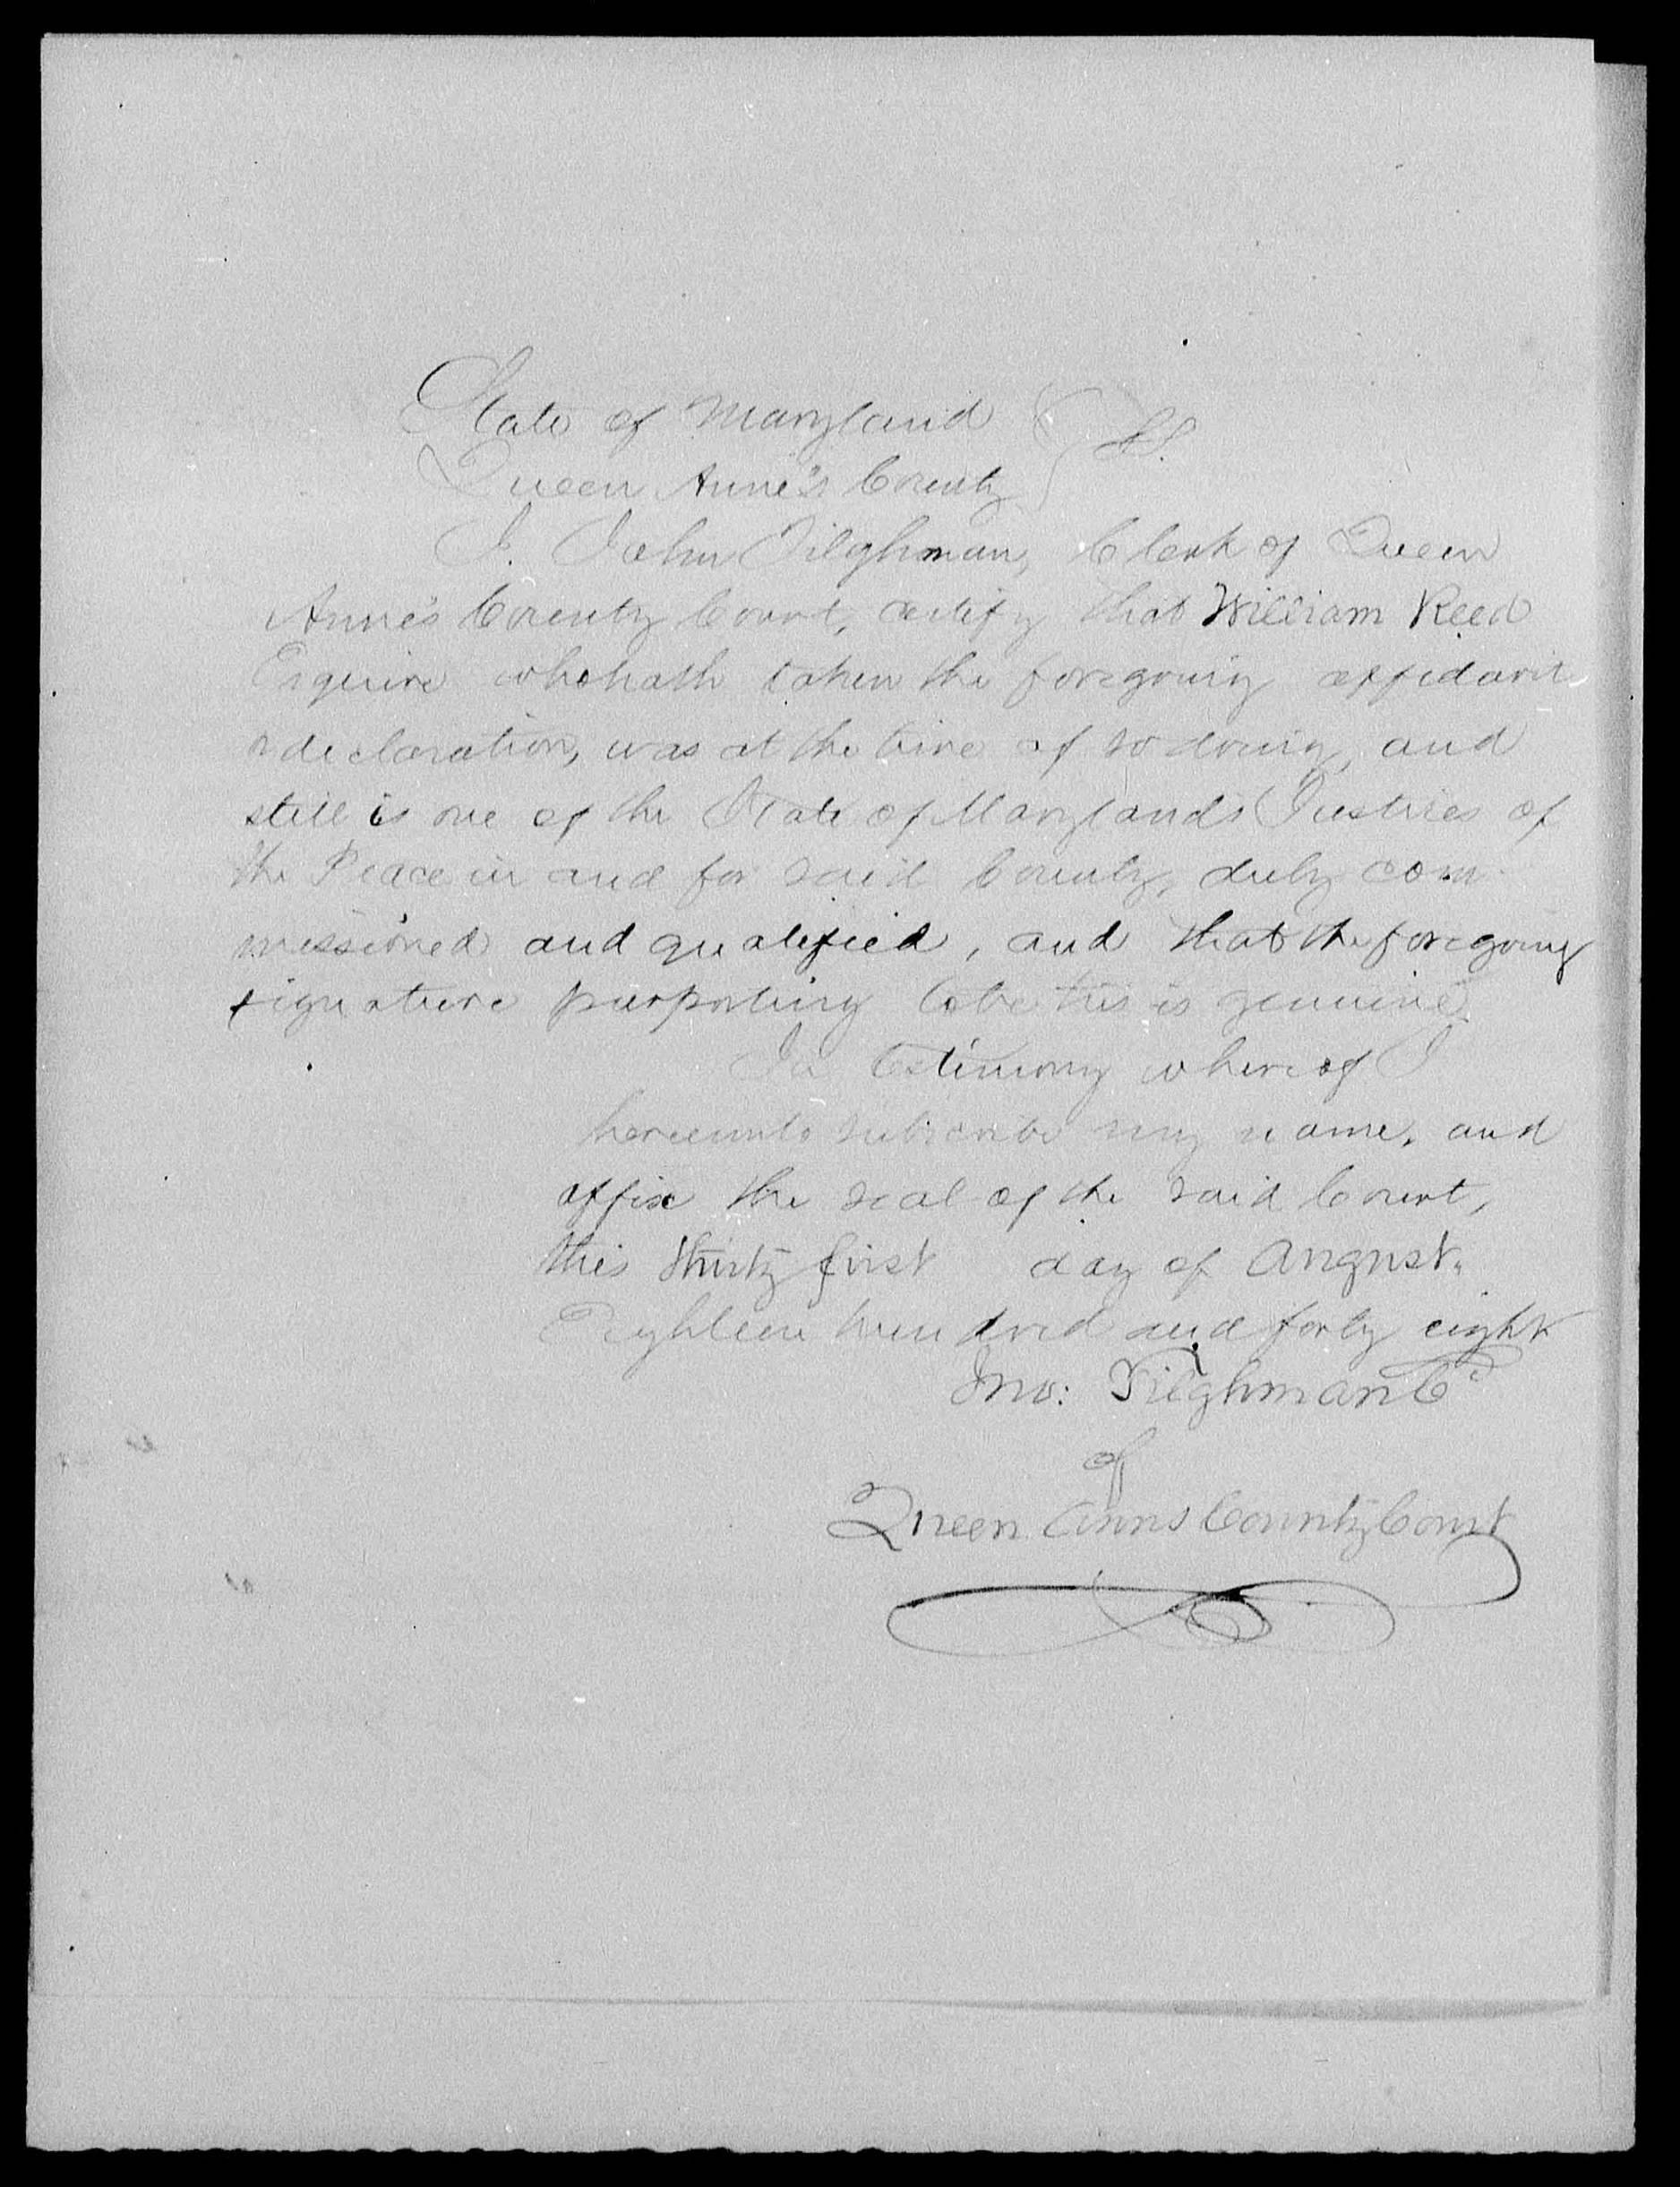State of Maryland }
                                       } ss.
Queen Anne's County }
I, John Tilghman, Clerk of Queen Anne's County Court, certify that William Reed Esquire who hath taken the foregoing affidavit declaration, was at the time of so during, and still is one of the State of Maryland's Justices of the peace in and for said Country, duly com-missioned and qualified, and that the foregoing signature purporting to be his is genuine.
In testimony whereof hereunto subscribe my name, and affix the seal of the said Court,
this thirty first day of August,
Eighteen hundred and forty eight.
Jno: Tilghman 
of 
Queen Annes County Court
[flourish]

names: John Tilghman, Jno Tilghman, William Reed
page: 15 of 26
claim: widow's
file: W 25651, Robert Cross, Md.